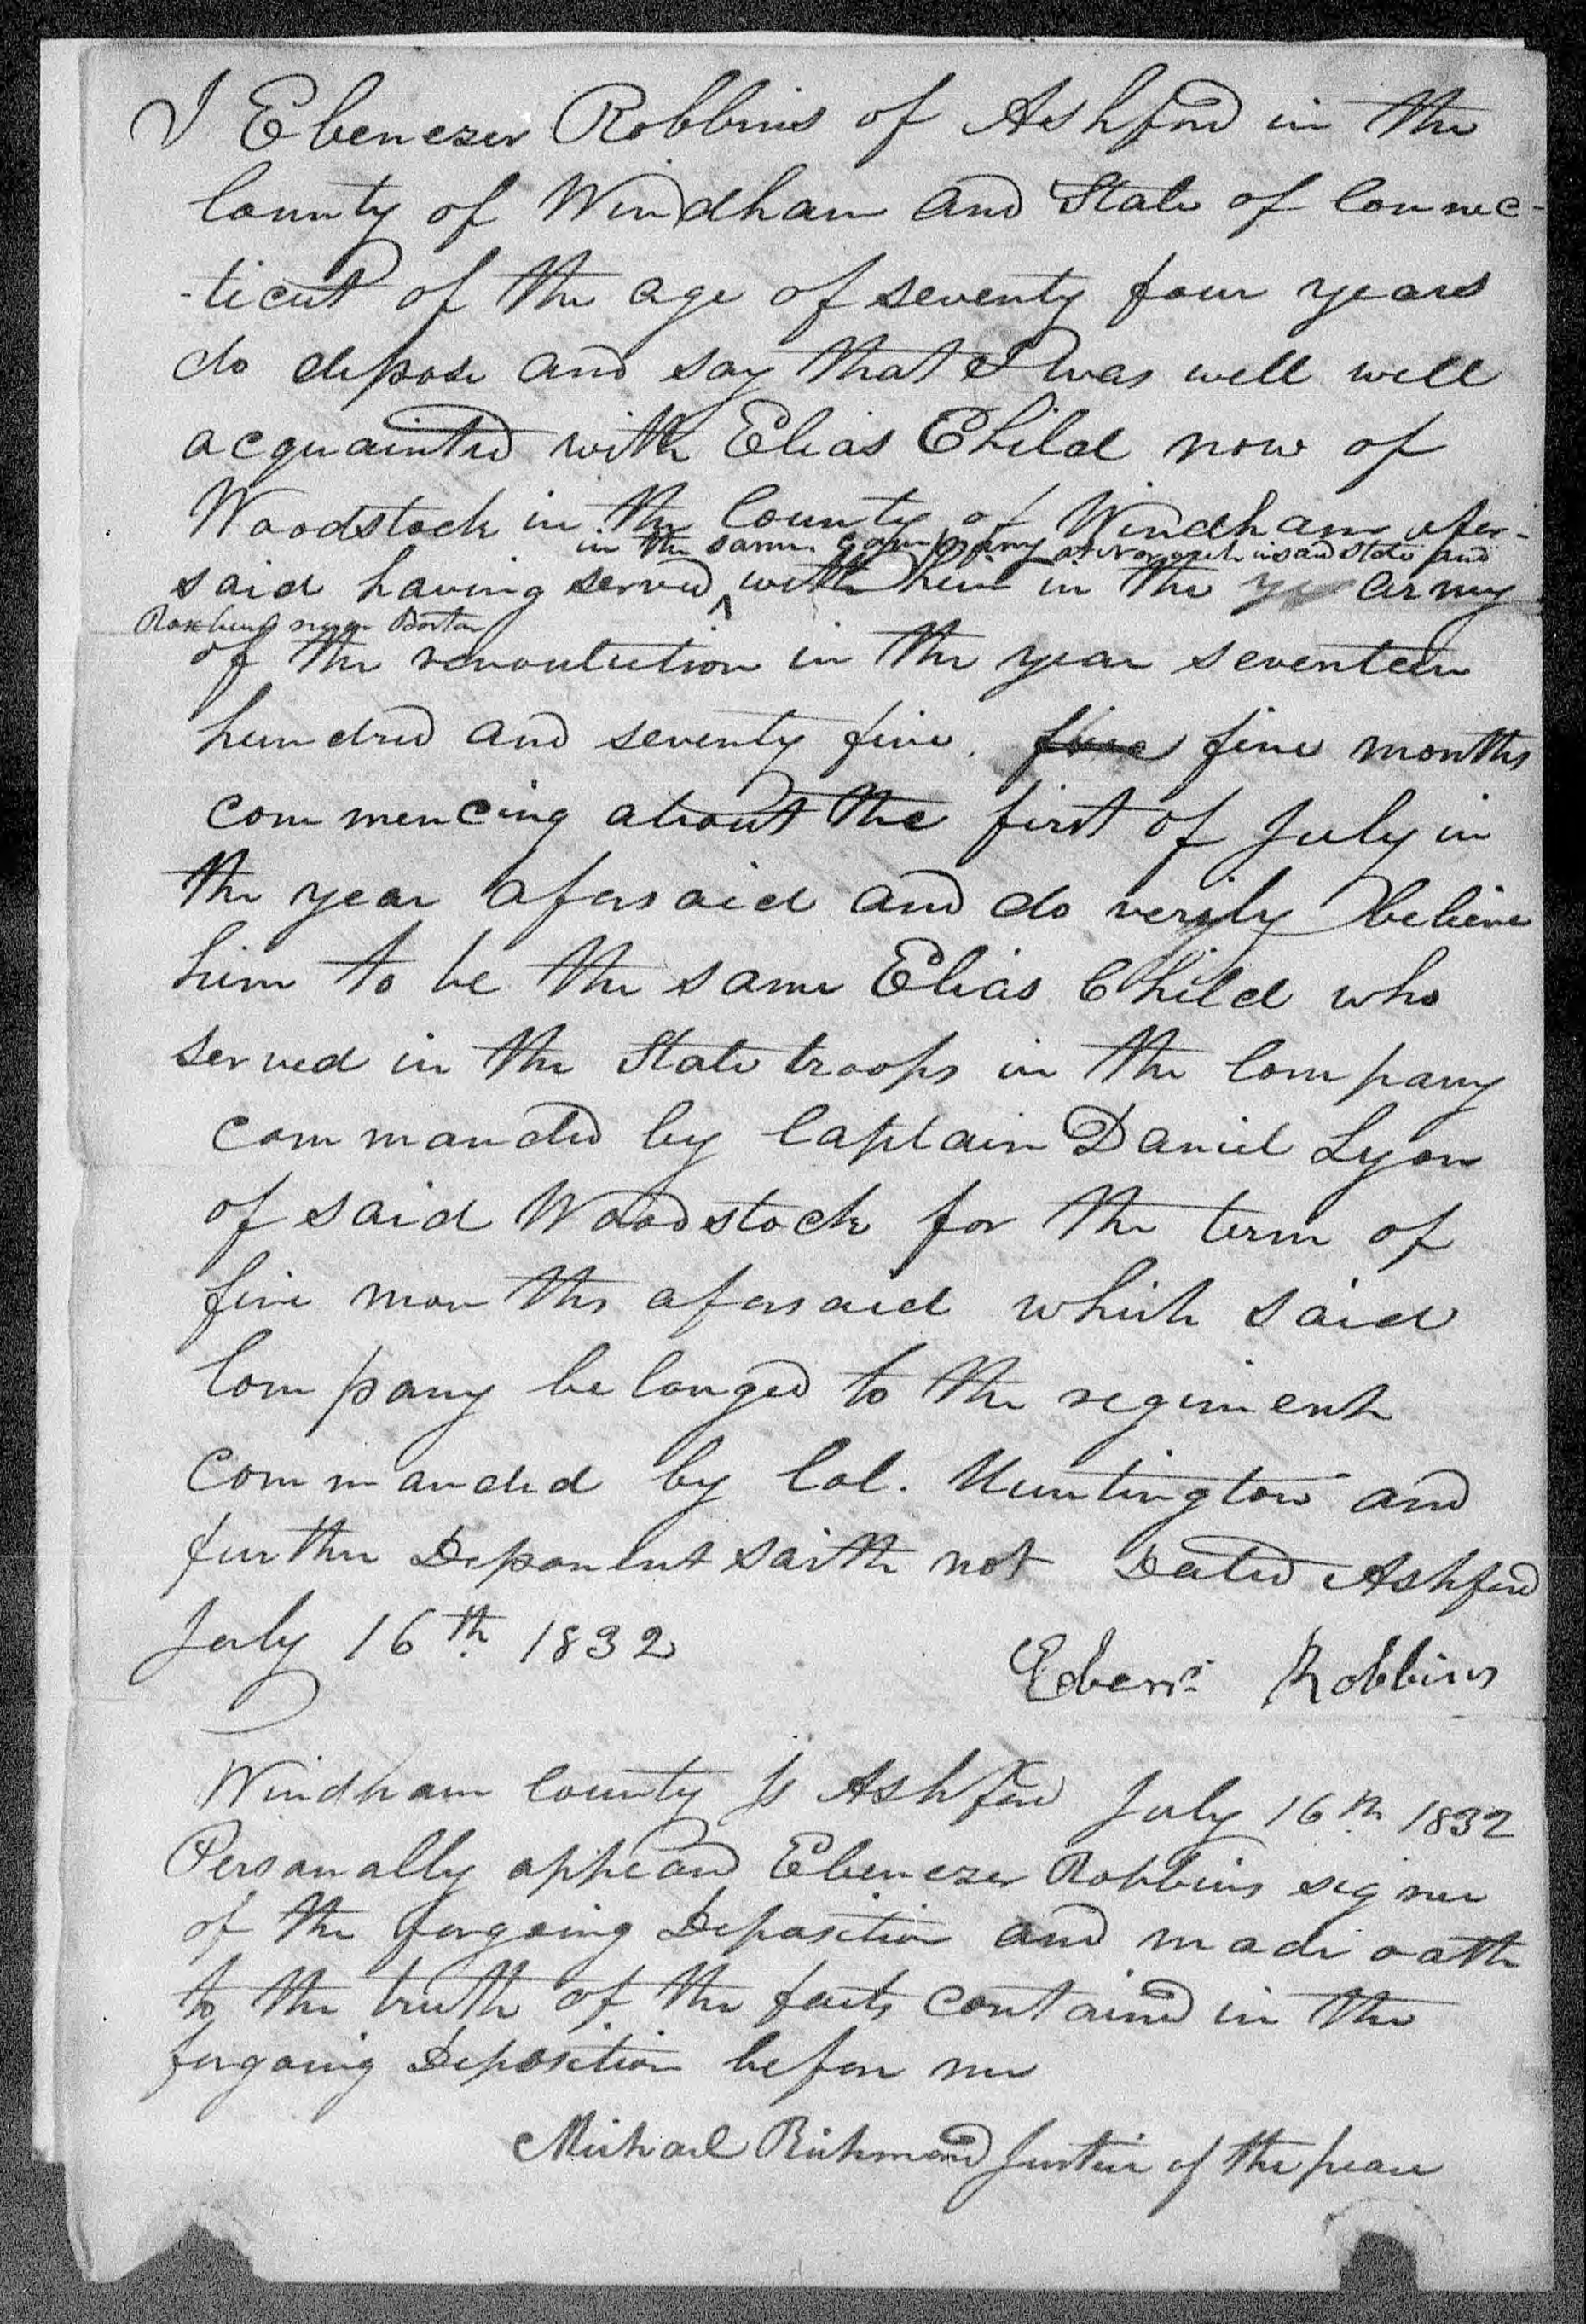I Ebenezer Robbins of Ashford in the County of Windham and State of Connecticut of the age of seventy four years do depose and say that I was well acquainted with Elias Child now of Woodstock in the County of Windham aforesaid having served in the same company at Norwich in said state and Roxbury near Barton with them in the army of the revolution in the year seventeen hundred and seventy five, five months commencing about the first of July in the year aforesaid and do verily believe him to be the same Elias Child who served in the state troops in the company commanded by Captain Daniel Lyon of said Woodstock for the term of five months aforesaid which said company belonged to the regiment command by Col Huntington and further deponent saith not dated Ashfield July 16th 1832
Elena Robbins
Windham County SS Ashfield July 16th 1832
Personally applicant Ebenezer Robbins signer of the forgoing declaration and made oath to the truth of the facts contained in the forgoing deposition before me.  
Michael Richmond Justice of the Peace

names: Ebenr Robbins, Ebenezer Robbins, Elias Child, Ebenezer Robbins, Michael Richmond, Huntington, Daniel Lyon, Elias Child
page: 20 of 34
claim: survivor's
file: S. 31,605, Elias Child, Conn.